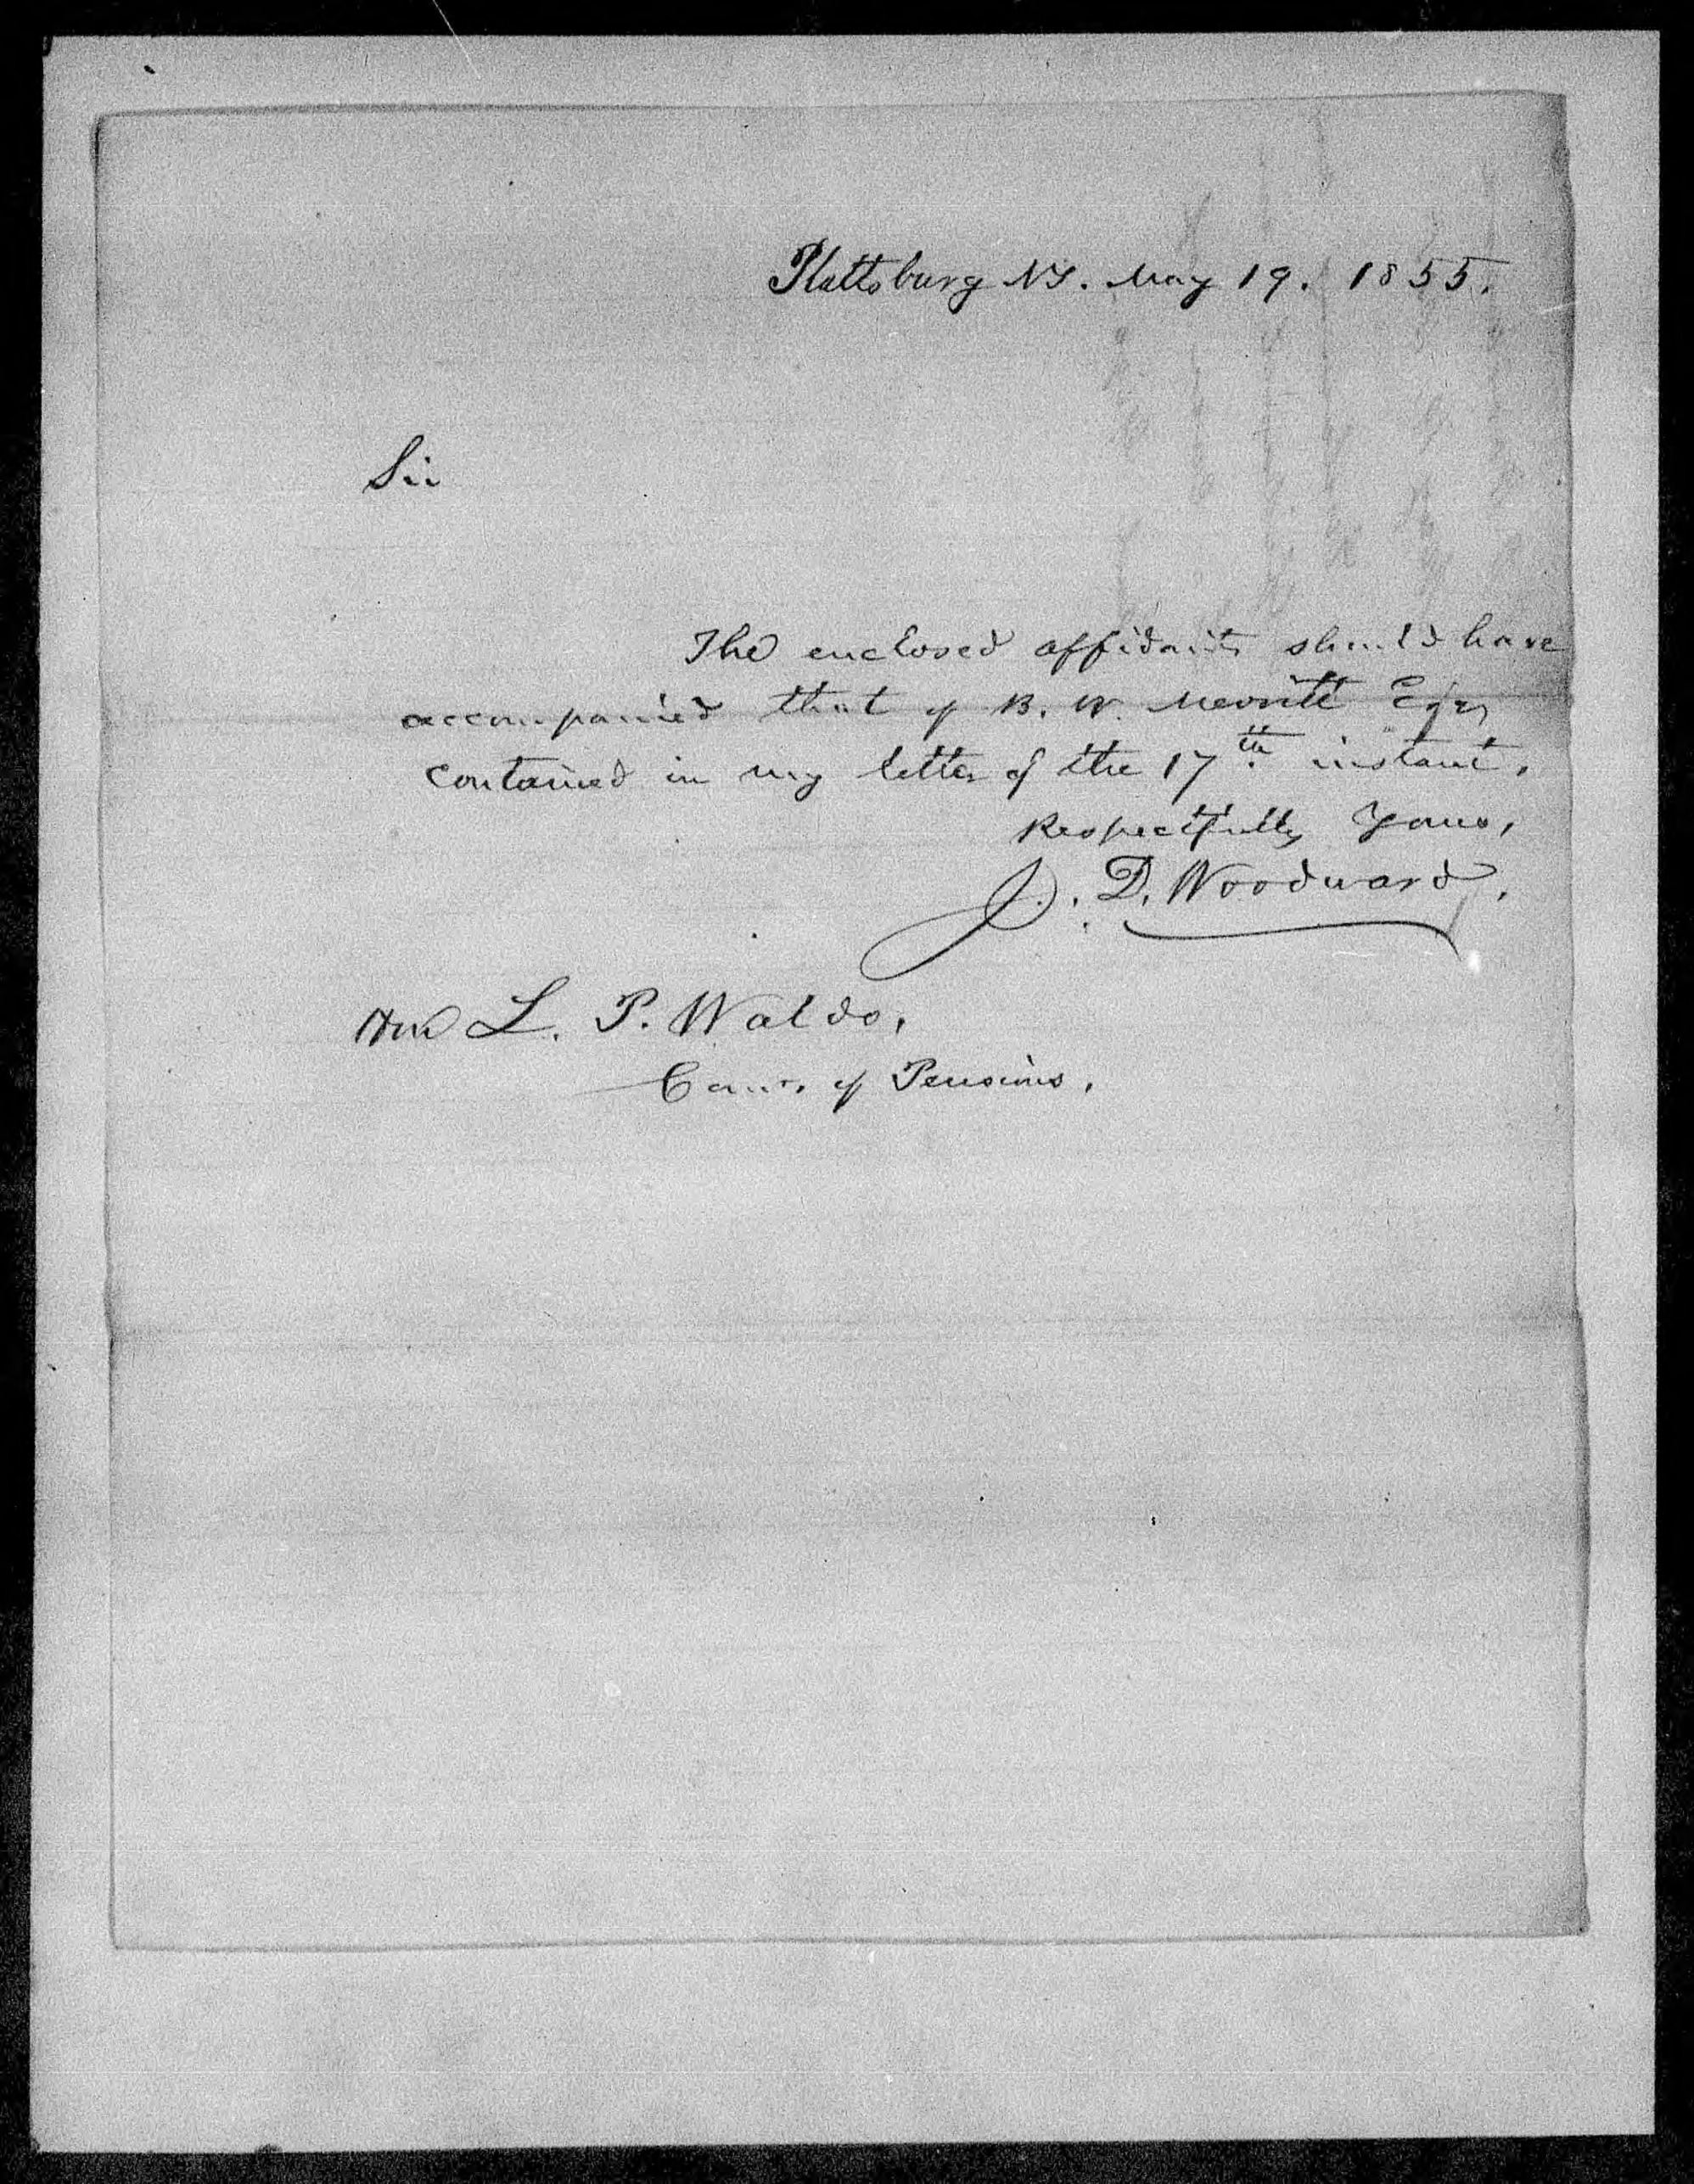Plattsburg NY. May 19. 1855.

Sir
The enclosed affidavits should have accompanied that of B. W. Merritt Eqs. contained in my letter of the 17th instant.
Respectfully yours,
J. D. Woodward.

Hon L. P. Waldo
Comm. of Pensions.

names: J D Woodward, B W Merritt, L P Waldo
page: 81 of 98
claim: widow's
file: W. 21182, Francis Gigo, Continental (Canadian)